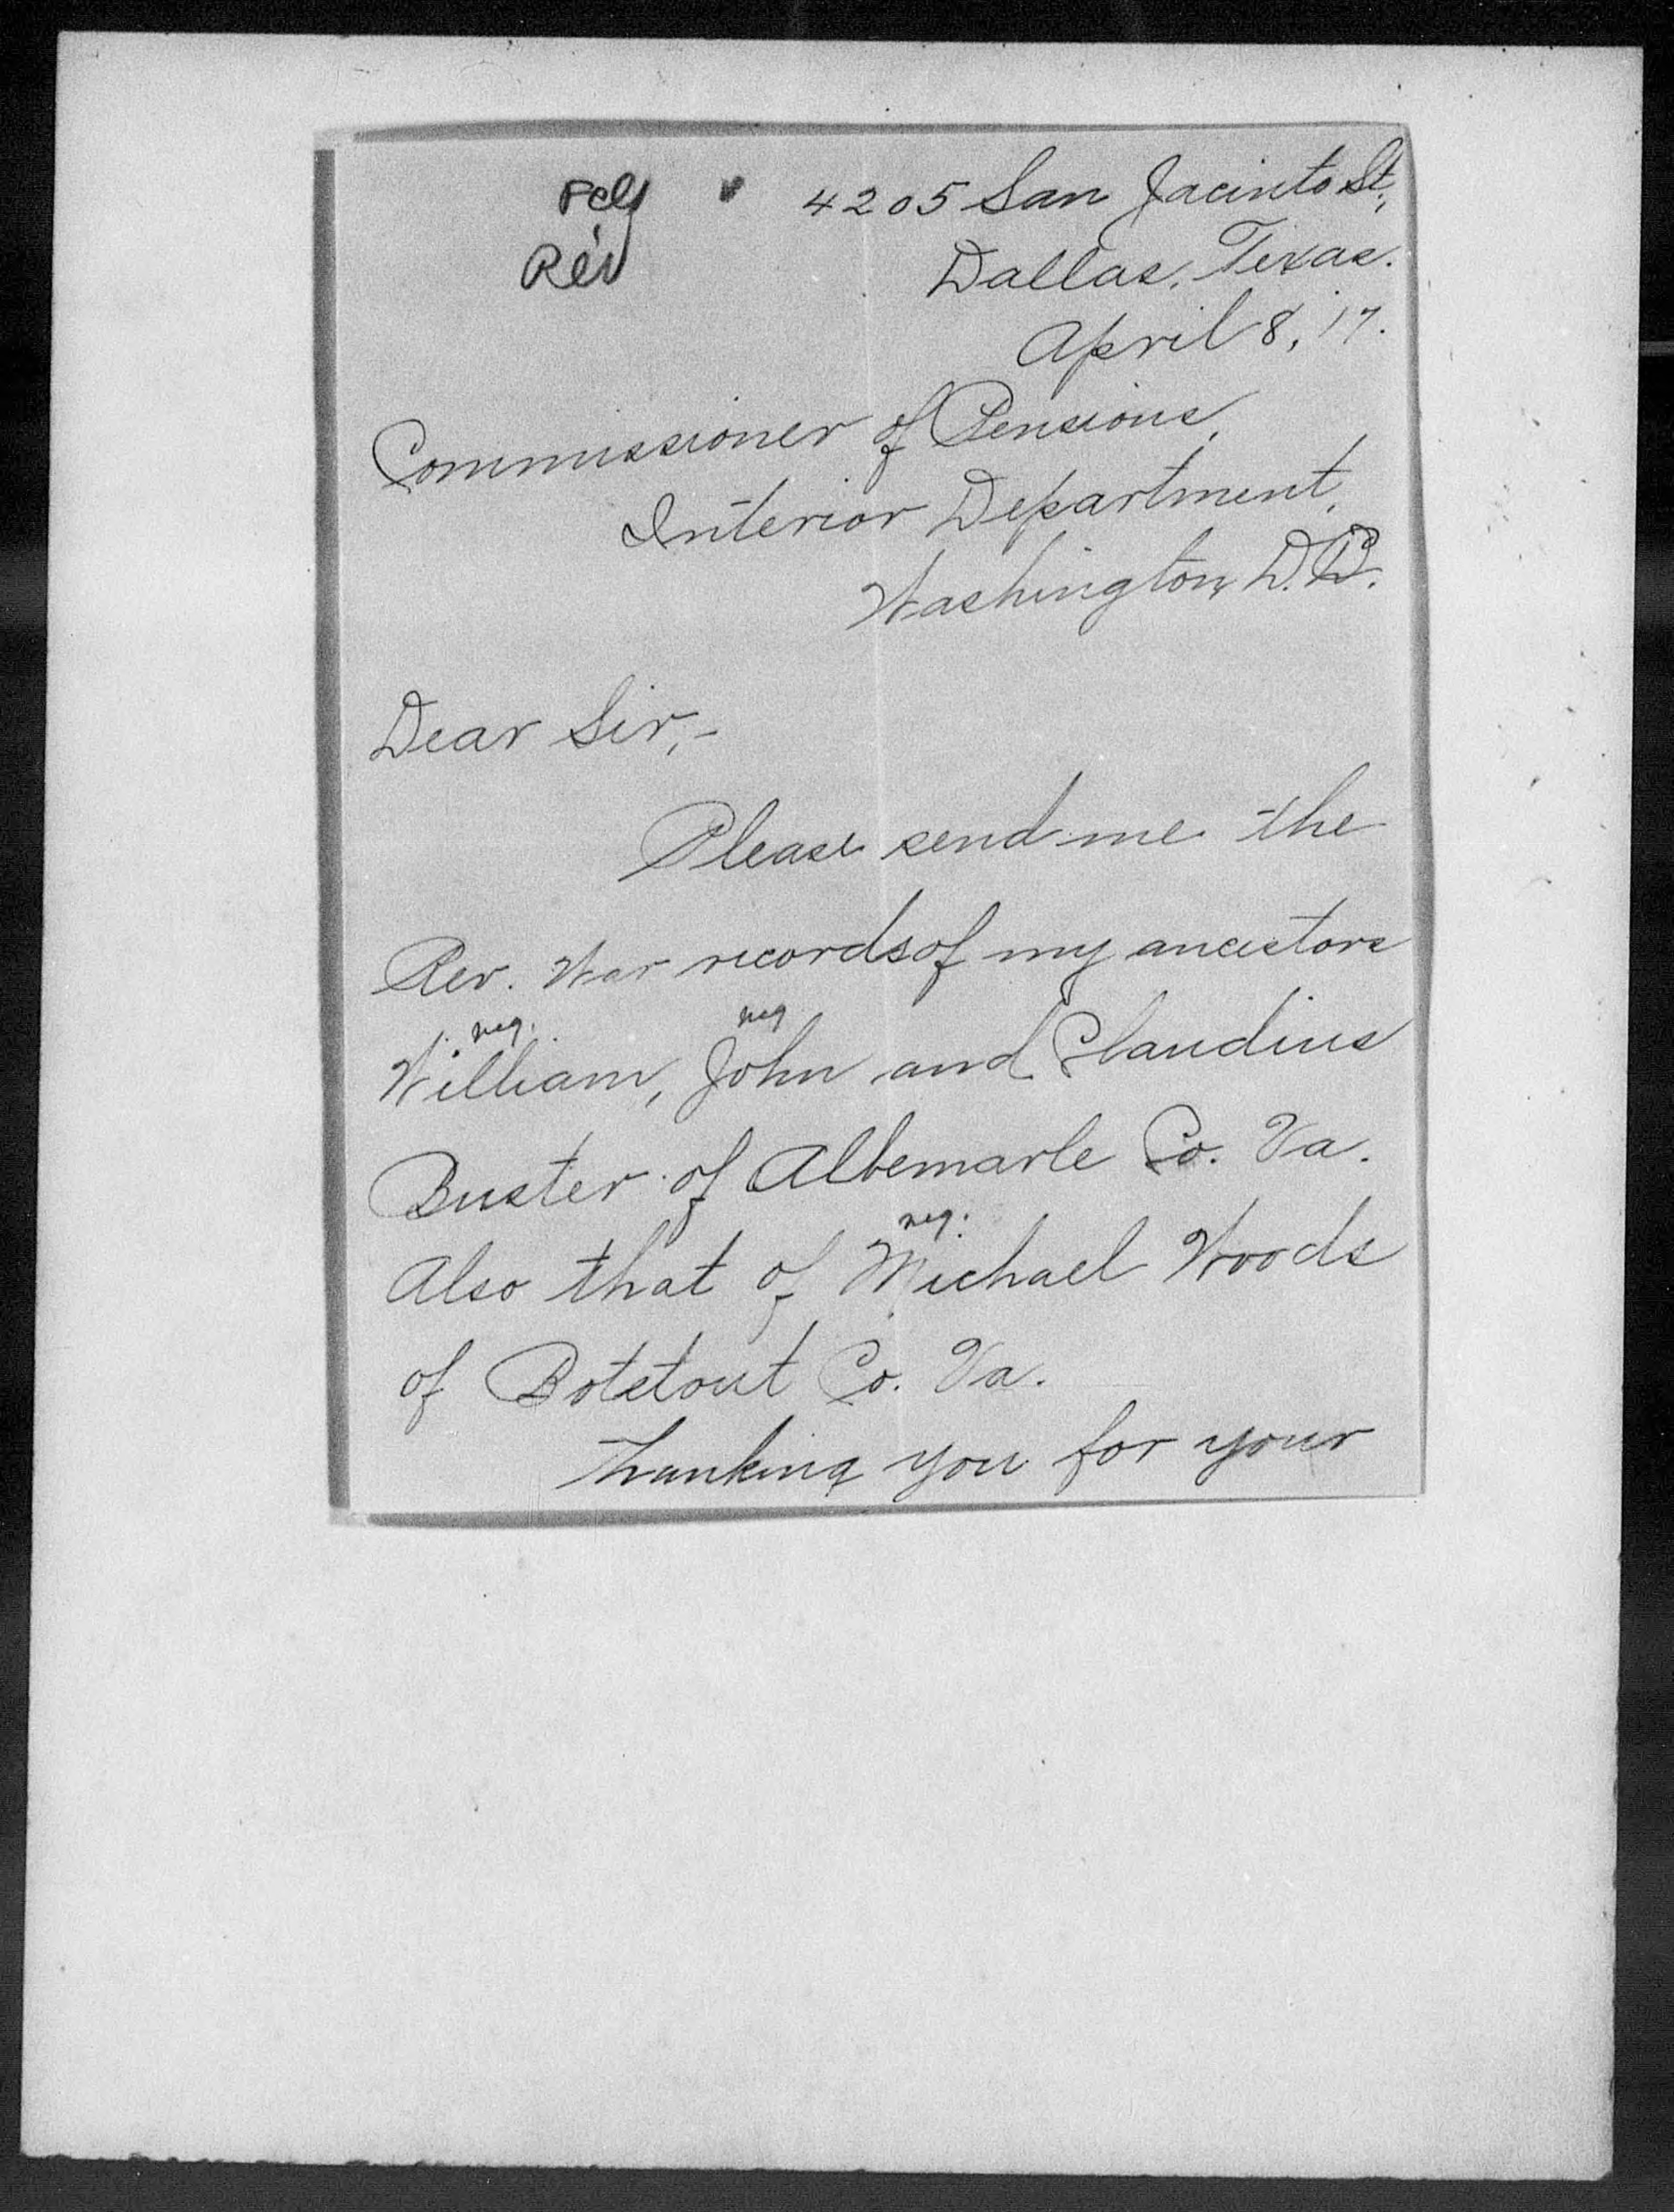[illegible] Rev

4205 San Jacinto St.,
Dallas, Texas
April 8, 17

Commissioner of Pensions,
Interior Department,
Washington, D. C.

Dear Sir, - 

Please send me the Rev. War record of my ancestors William ["neg" written above William], John ["neg" written above John], and Claudius Buster of Albemarle Co. Va. Also that of Michael ["neg:" written above Michael] Woods of Botetout Co. Va.

Thanking you for your

[this is a duplicate of image 58]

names: Claudius Buster, John Buster, William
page: 59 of 71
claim: widow's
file: W. 25310, Claudius Buster, Va.